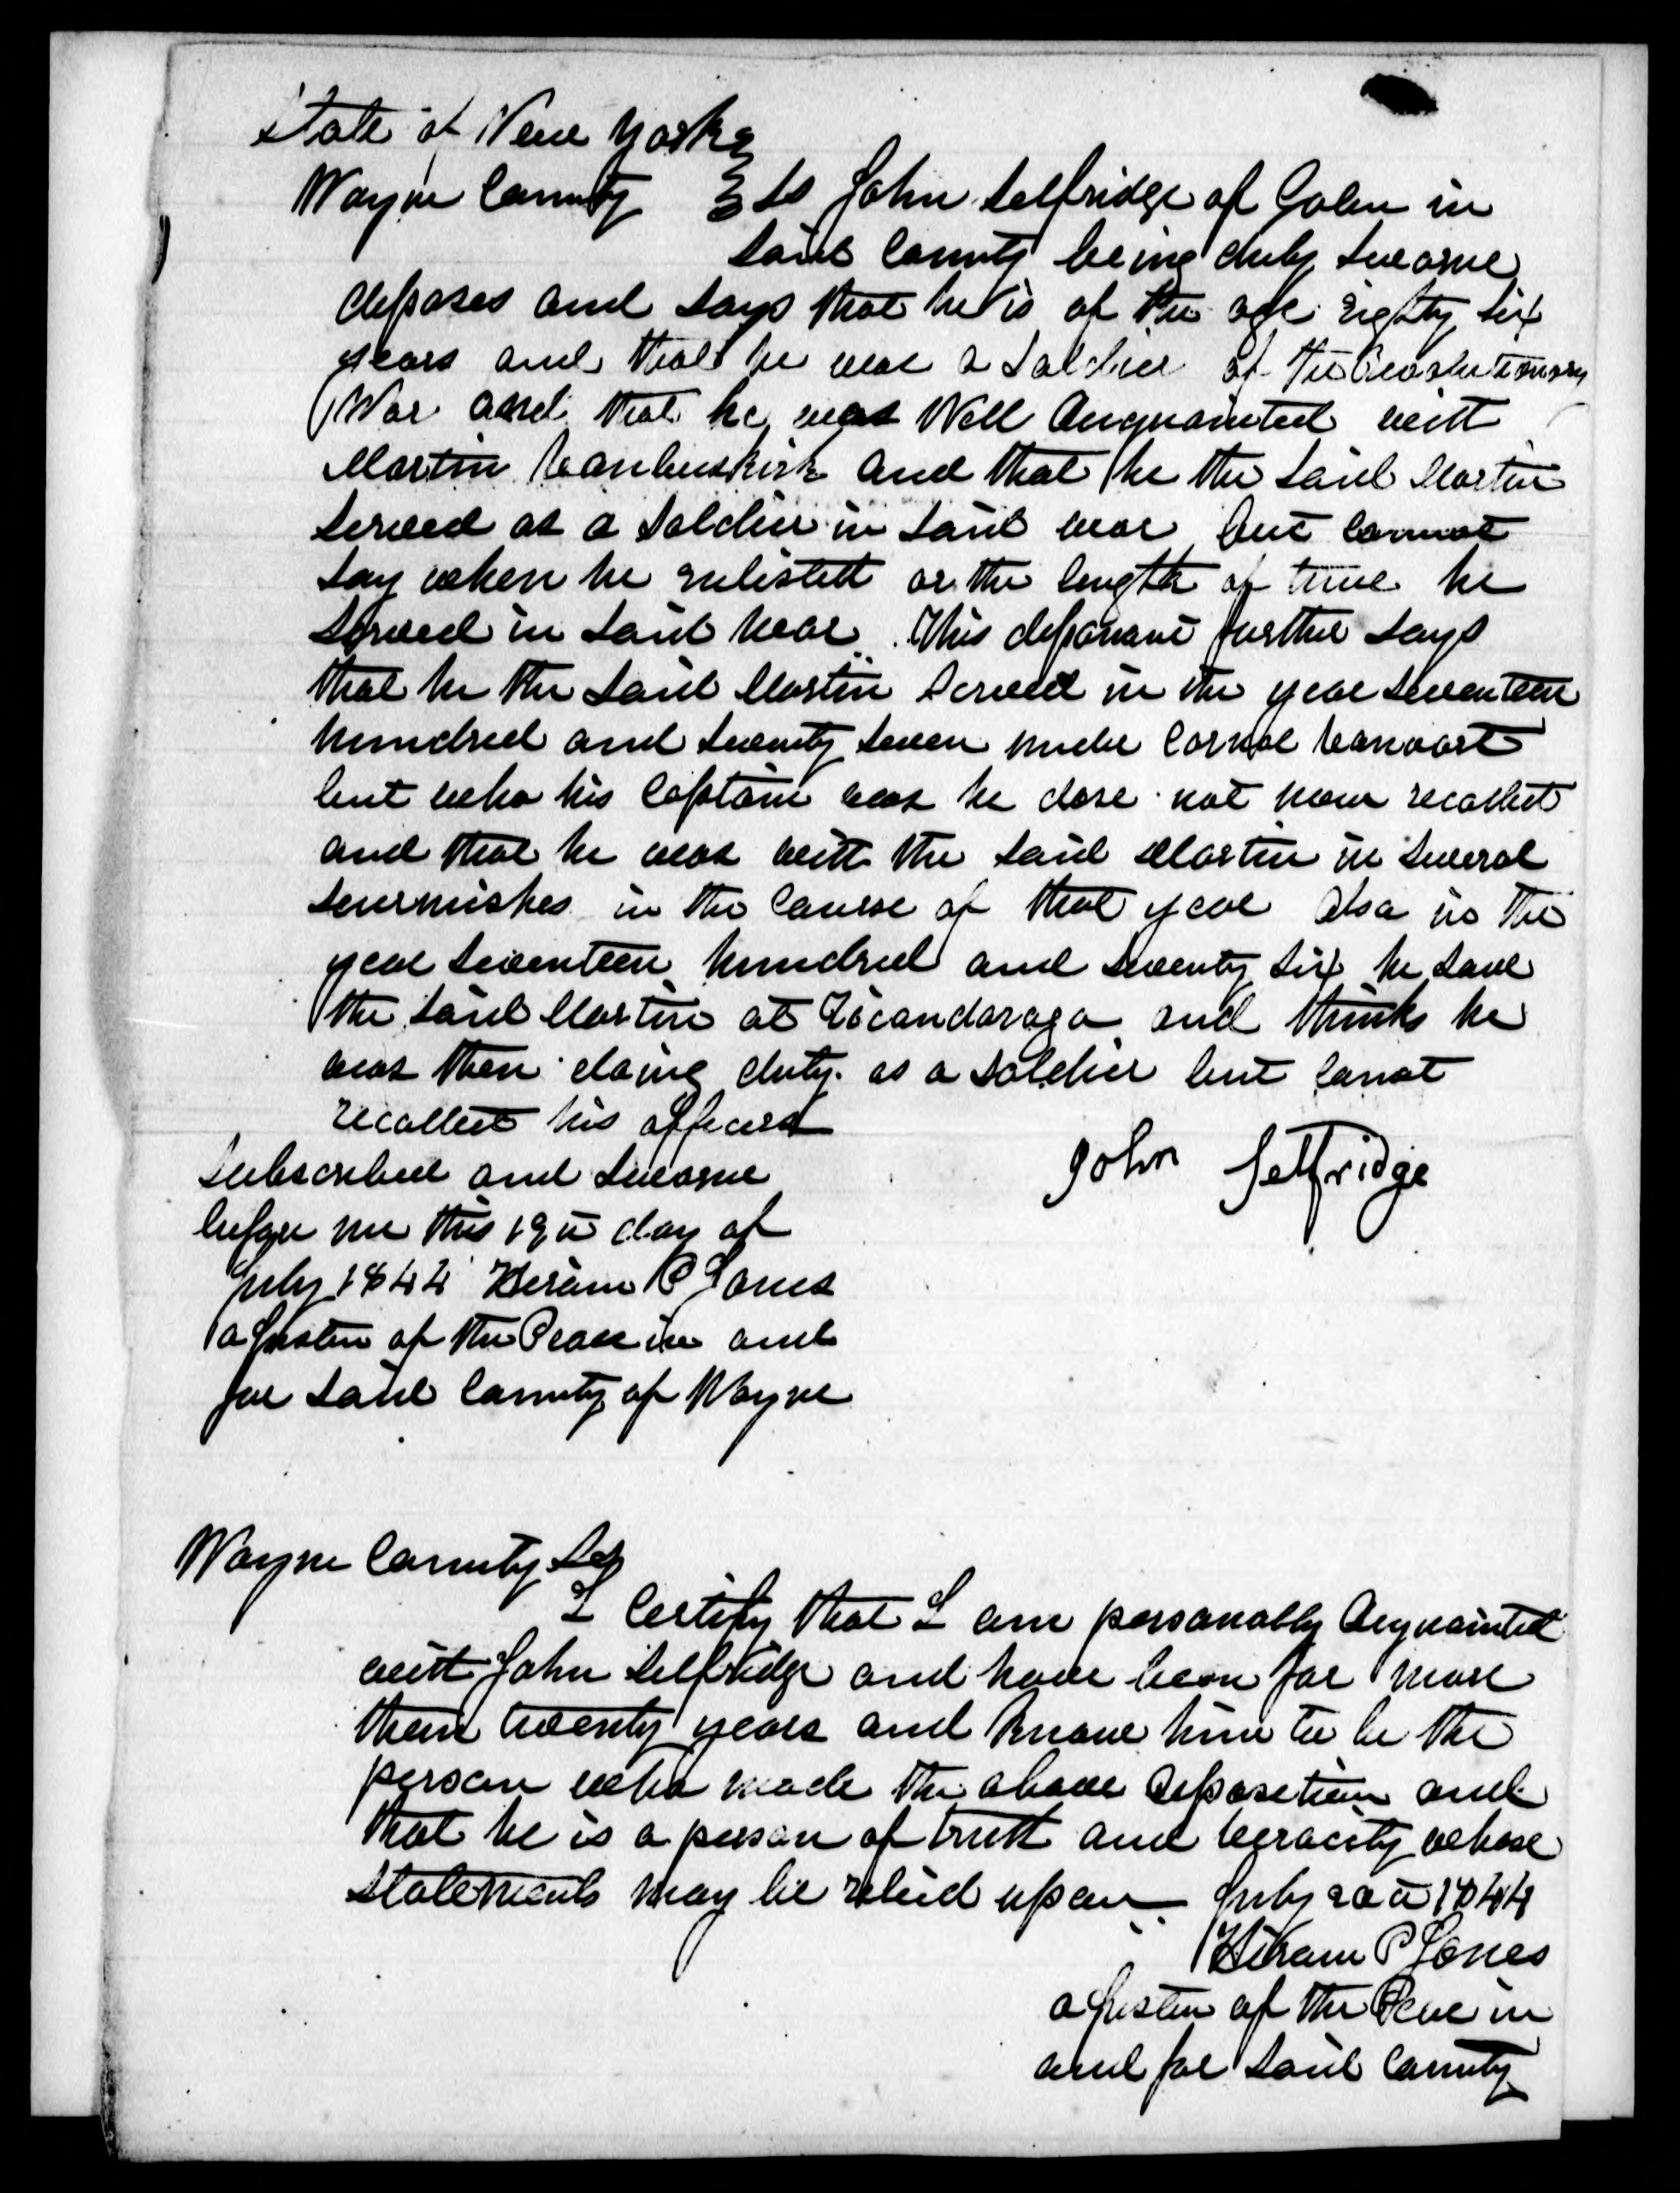State of New York
Wayne County SS
John Selfridge of Galen in said County being duly sworn and deposed and says that he is of the age eighty six years and that he was a soldier of the Revolutionary War and that he was well acquainted with Martin VanBuskirk and that he the said Martin served as a soldier in said war but cannot say when he enlisted as the length of time he served in said war.  This deponant further says that he the said Martin served in the year seventeen hundred and seventy seven under Cornel Vanwart but who his captain was he dose not now recollect and that he was with the said Martin in several
Scurmishes in the course of that year  Also in the year seventeen hundred and seventy six he served the said Martin at Ticonderoga and thinks he was then doing duty as a soldier but canot recollect his officers

John Selfridge [signature]

Subscribed and sworn before me this 19th day of July 1844 

Hiram P. Jones [signature]
A Justice of the Peace in and for said County of Wayne

Wayne County SS.
I Certify that I am personally acquainted with
John Selfridge and have been for more than twenty years and know him to be the person who made the above deposition and that he is a person of truth and veracity where Statements may be relied upon 
July 2d 1844
Hiram P. Jones [signature]
A Justice of the Peace in and for said County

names: Martin Vanbuskirk, John Selfridge, Martin, John Selfridge, Hiram P Jones, Hiram P Jones, John Selfridge, Martin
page: 66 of 70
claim: rejected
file: R. 10,832, Martin Van Buskirk, New York.